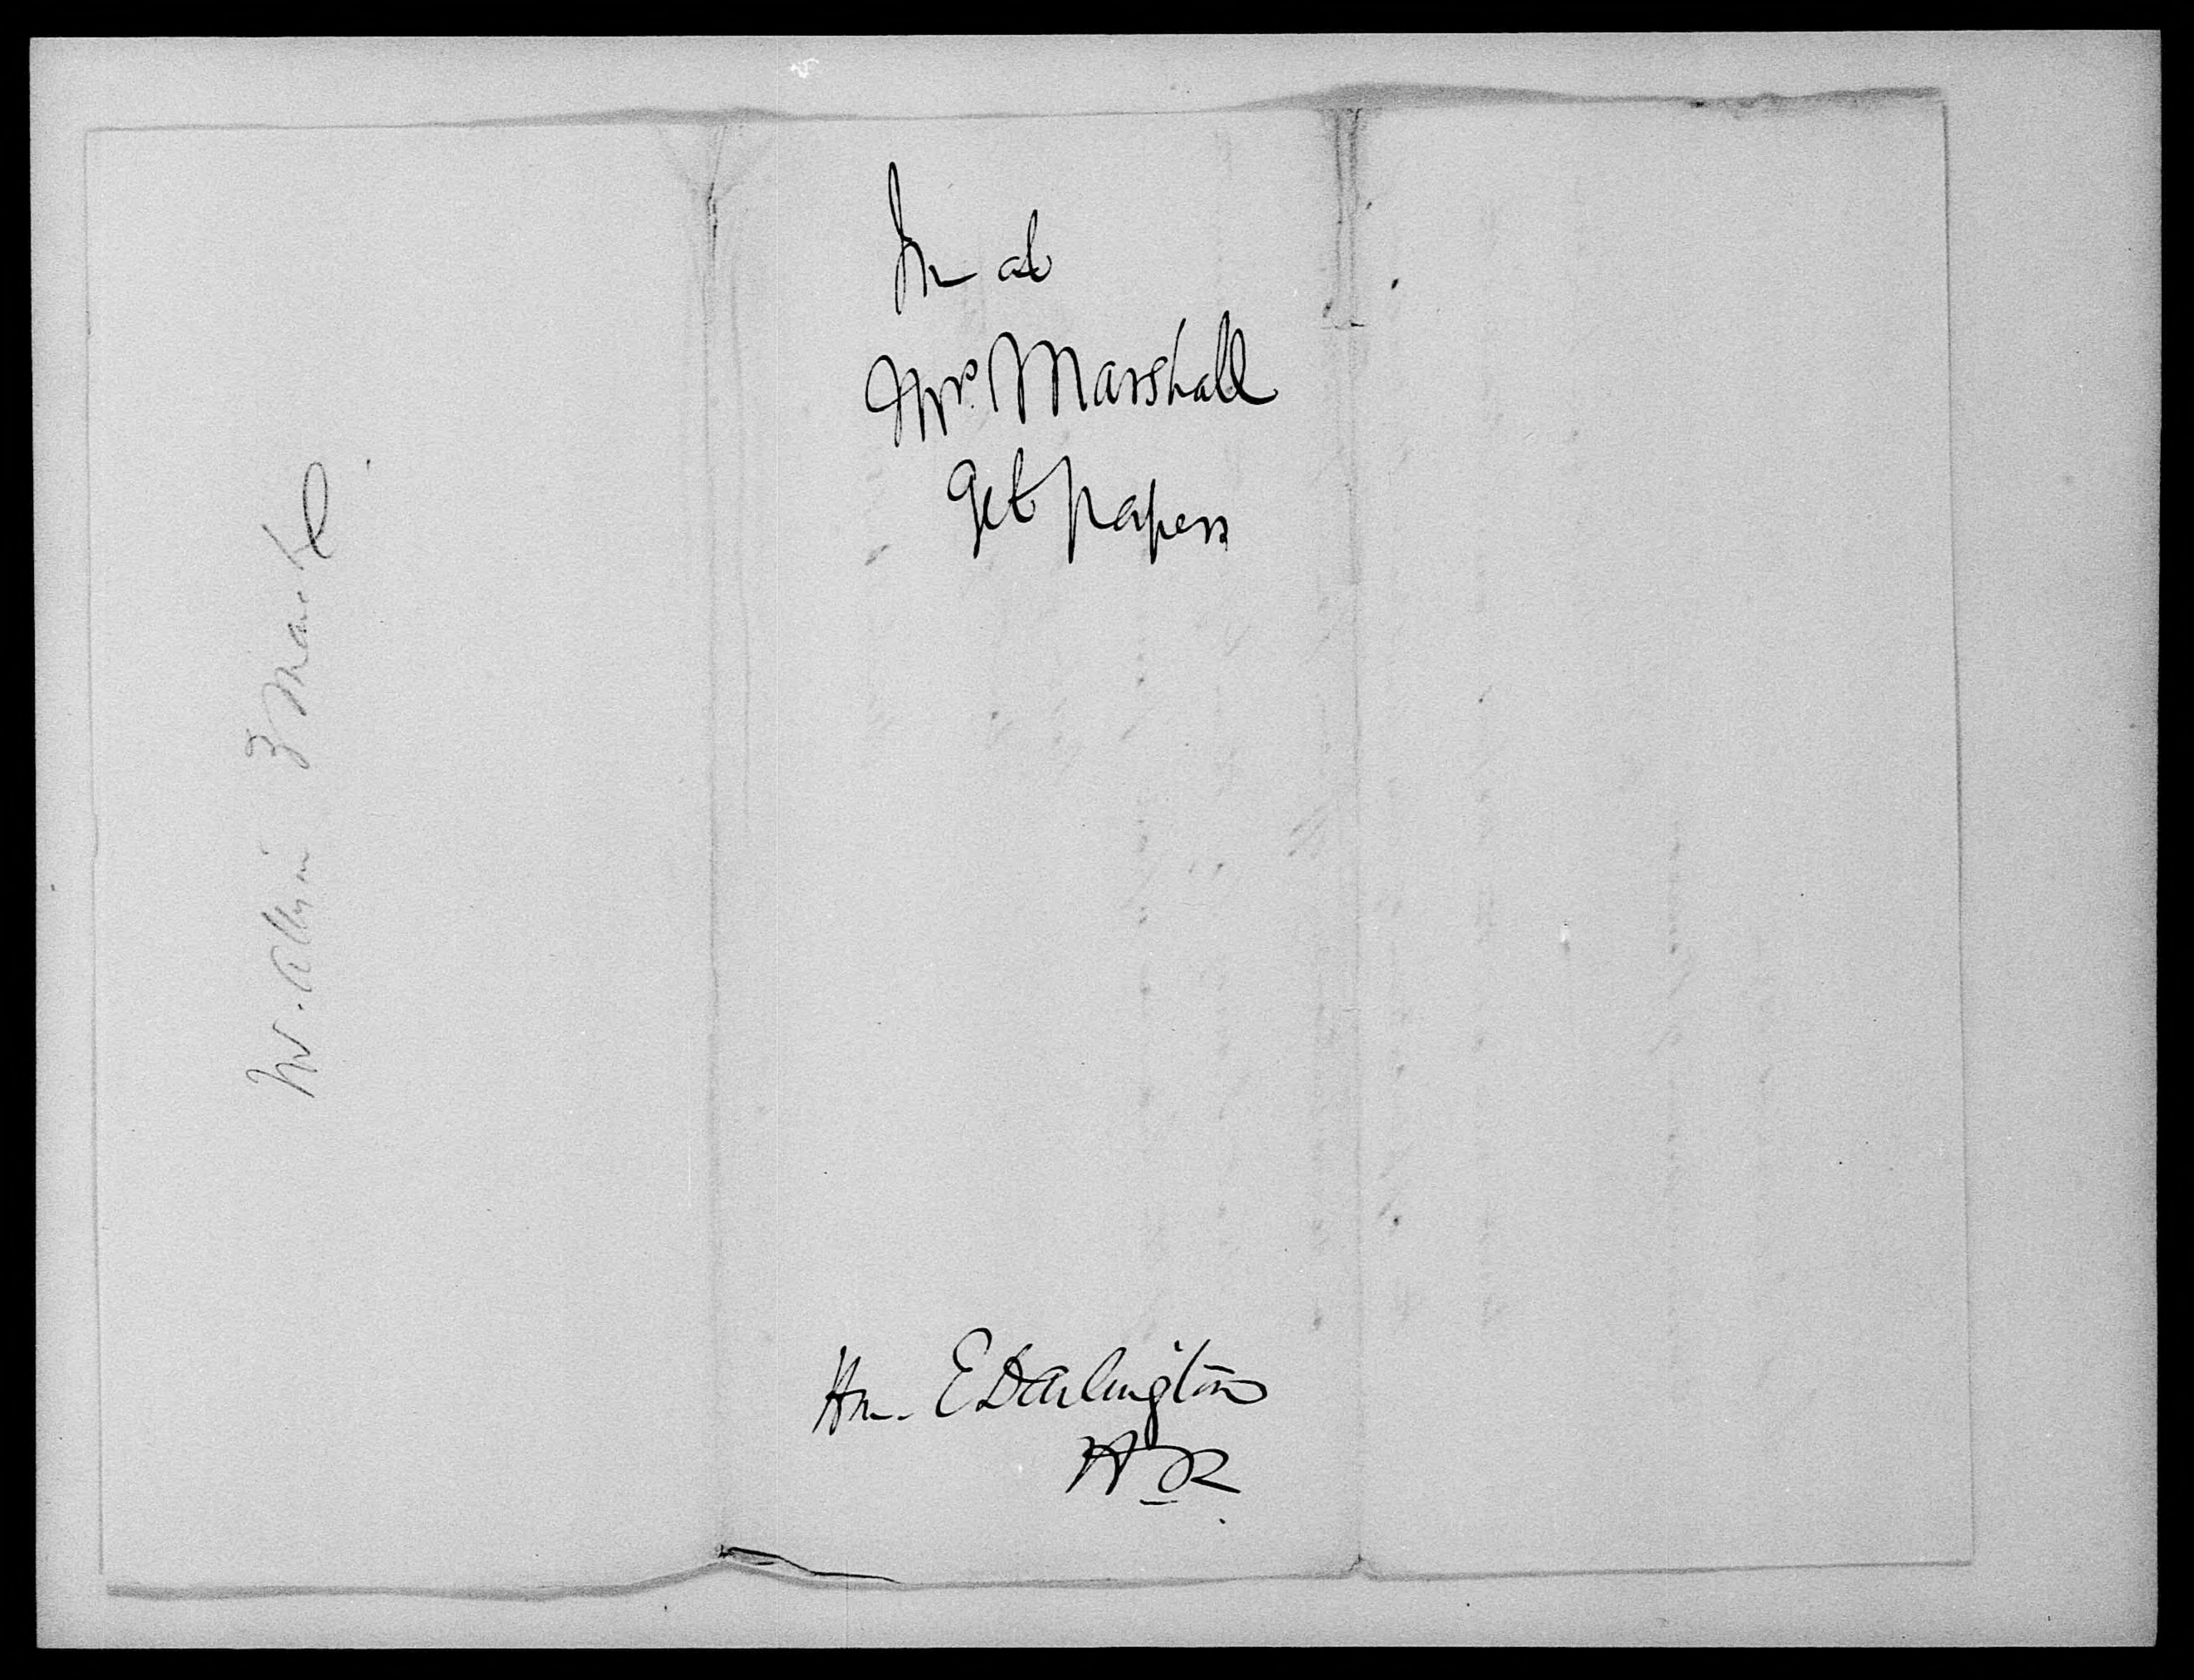Mr. Allyin Z March

?? ??
Mrs. Marshall
get papers

H?? E Darlington
???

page: 47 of 86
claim: widow's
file: W. 3571, for David Marshall, Pennsylvania